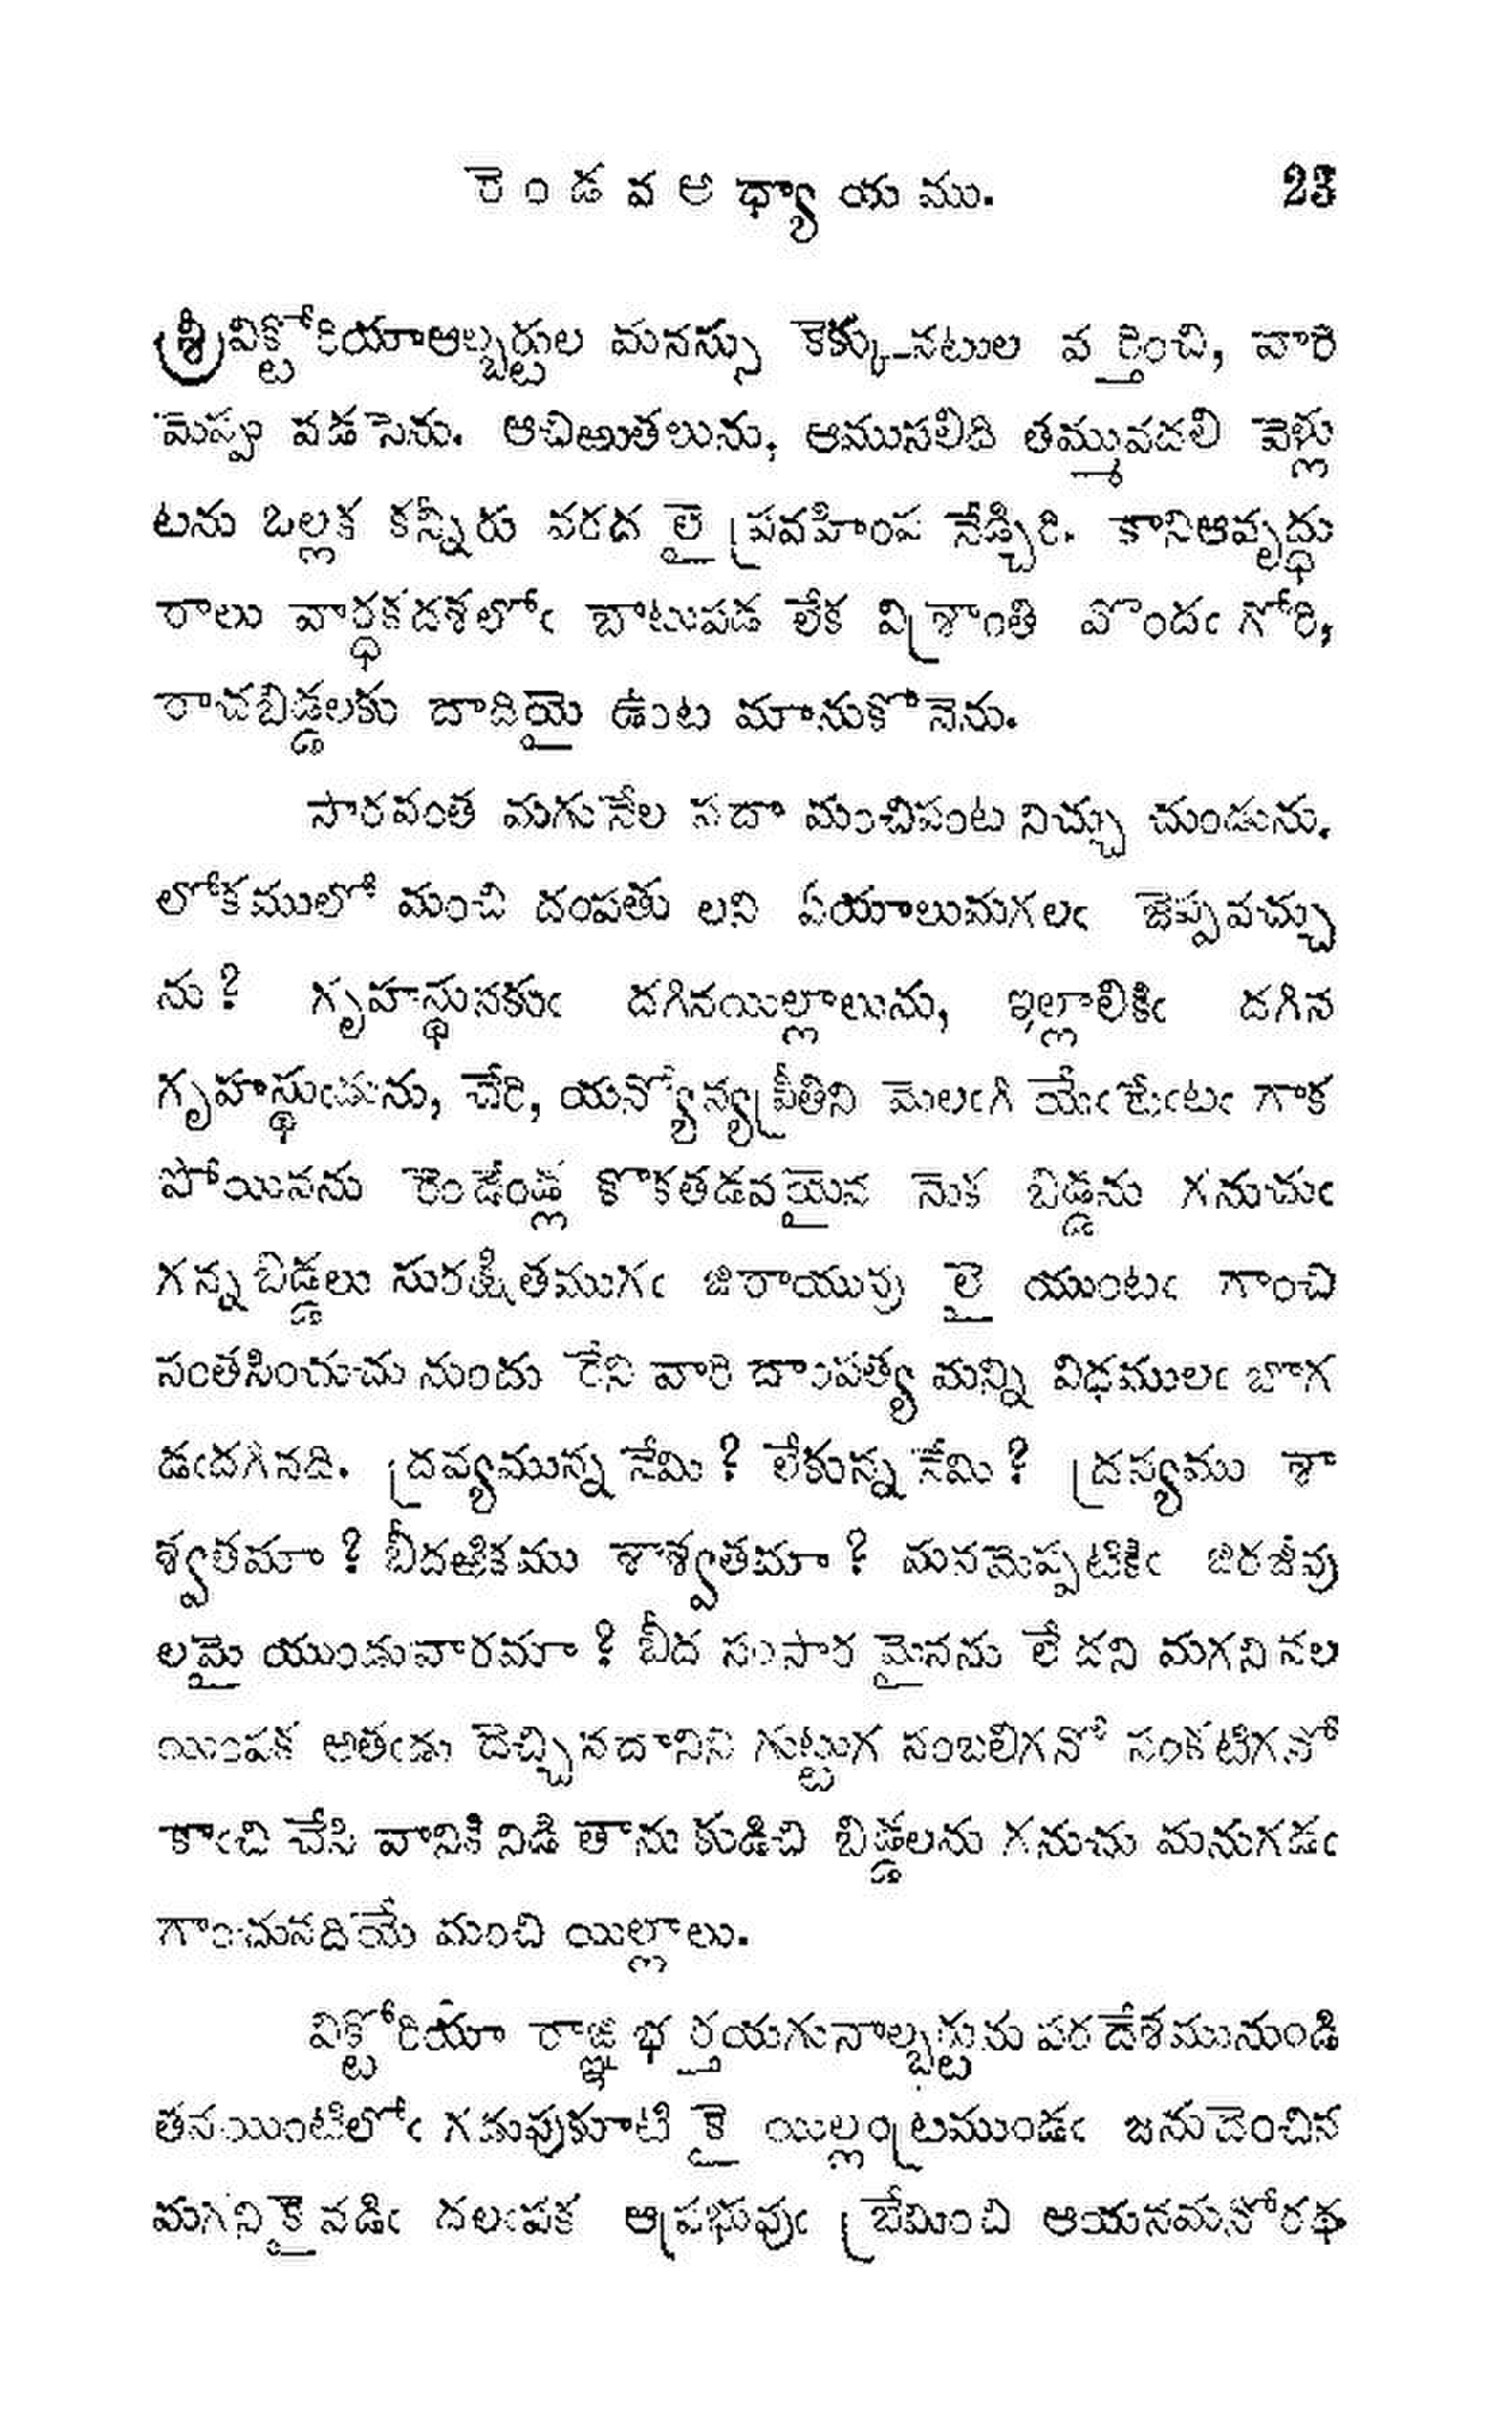.

శ్రీవిక్టోరియా ఆల్బర్టుల మనస్సు కెక్కు-నటుల వర్తించి, వారి'మెప్పు వడ సెను. ఆ చిఱుతలును, ఆముసలిది తమ్మువదలి వెళ్లుటను ఒల్లక కన్నీరు వరద లై ప్రవహింప నేడ్చిరి. కాని ఆవృద్ధు
రాలు వార్ధక దశలోఁ బాటుపడ లేక విశ్రాంతి పొందఁ గోరి,రాచబిడ్డలకు దాదీయై ఉంట మానుకో నెను. సారవంత మగు నేల సదా మంచిపంట నిచ్చు చుండును, లోకములో మంచి దంపతు లని ఏయాలుమగలఁ జెప్పవచ్చును? గృహస్థునకుఁ దగినయిల్లాలును, ఇల్లాలికిఁ దగిన
గృహస్థుఁడును, చేరి, యన్యోన్య ప్రీతిని మెలఁగి యేఁటేంట; గాకసోయినను రెండేండ్ల కొకతడవ యైన. "ఒక బిడ్డను గనుచుగన్న బిడ్డలు సురక్షితముగఁ జిరాయువ్రు లై యుంటఁ గాంచి
సంతసించుచు నుందు లేని వారి దాంపత్య మన్నీ విధములఁ బొగడఁదగినది. ద్రవ్యమున్న నేమి ? లేకున్ననేమి ? ద్రవ్యయము శాశ్వతమా ? బీదఱికము శాశ్వతమా ? మన మొప్పటికీ జరజీవు
లమై యుండు వారమా ? బీద సంసార మైనను లేదని మగని నలయింపక అతఁడు దెచ్చిన దానిని గుట్టుగ సంబలీగనో సంక టీగనోకాఁచి చేసి వానికి నిడి తాను కుడిచి బిడ్డలను గనుచు మనుగడ
గాంచునదియే మంచి యిల్లాలు.

విక్టోరియా రాష్ట్ర భర్తయగు నాల్బర్టును పర దేశమునుండితన యింటిలోఁ గడుపుకూటి కై యిల్లంట్రముండఁ జనుదెంచినమగనికై వడిఁ దలపక ఆప్రభువు. ప్రేమించి ఆయనమనోరథ